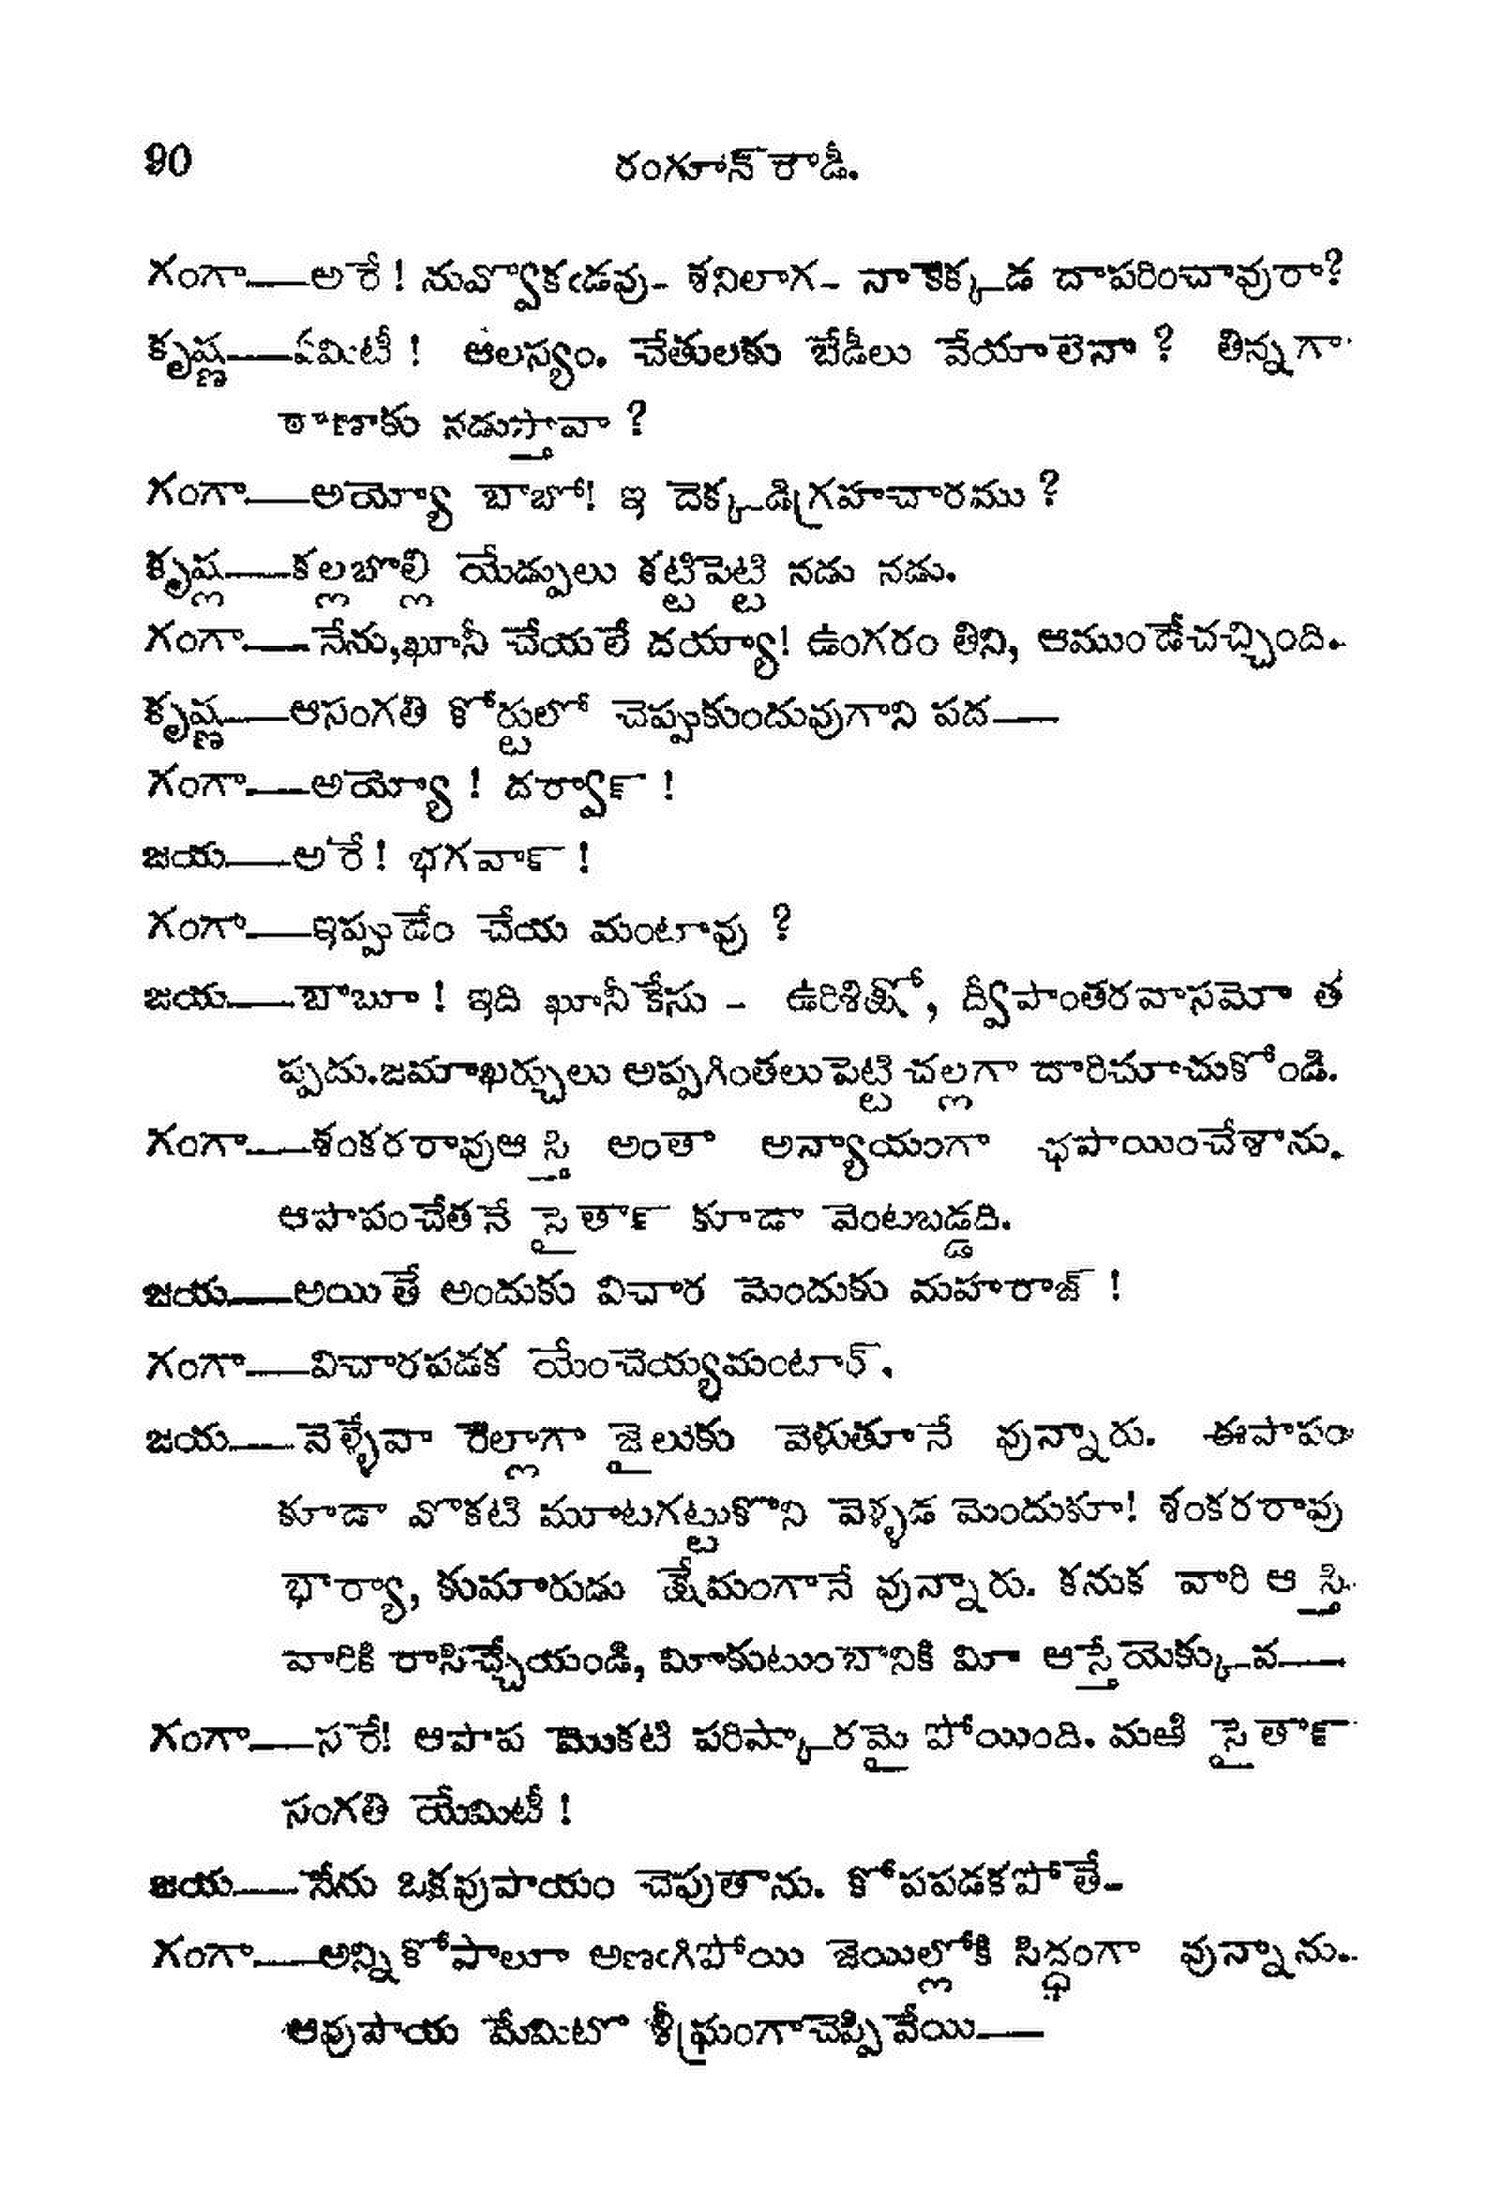గంగా - అరే! నువ్వొకఁడవు. శనిలాగ. నాకెక్కడ దాపరించావురా?

కృష్ణ -- ఏమిటీ ! ఆలస్యం. చేతులకు బేడీలు వేయాలేనా ? తిన్నగా ఠాణాకు నడుస్తావా?

గంగా - అయ్యో బాబో! ఇ దెక్కడిగ్రహచారము ?

కృష్ణ - కల్లబొల్లి యేడ్పులు కట్టిపెట్టి నడు నడు.

గంగా - నేను, ఖూనీ చేయలేదయ్యా! ఉంగరం తిని, ఆముండేచచ్చింది..

కృష్ణ - ఆసంగతి కోర్టులో చెప్పుకుందువుగాని పద—

గంగా - అయ్యో ! దర్వాన్ !

జయ - అరే! భగవాన్ !

గంగా - ఇప్పుడేం చేయ మంటావు ?

జయ - బాబూ ! ఇది ఖూనీకేసు - ఉరిశిక్షో, ద్వీపాంతరవాసమో తప్పదు. జమాఖర్చులు అప్పగింతలు పెట్టి చల్లగా దారిచూచుకోండి.

గంగా - శంకరరావుఆస్తి అంతా అన్యాయంగా ఛపాయించేశాను. ఆపాపంచేతనే సైతాన్ కూడా వెంటబడ్డది.

జయ - అయితే అందుకు విచార మెందుకు మహరాజ్ !

గంగా - విచారపడక యేంచేయ్యమంటార్,

జయ - వెళ్ళేవా రెల్లాగా జైలుకు వెళుతూనే వున్నారు. ఈ పాపం కూడా వొకటి మూటగట్టుకొని వెళ్ళడ మెందుకూ! శంకరరావు భార్యా, కుమారుడు క్షేమంగానే వున్నారు. కనుక వారి ఆస్తి వారికి రాసిచ్చేయండి, మీకుటుంబానికి మీ ఆస్తెయెక్కువ---

గంగా - సరే! ఆపాప మొకటి పరిష్కారమై పోయింది. మఱి సైతాన్ సంగతి యేమిటీ!

జయ - నేను ఒకవుపాయం చెపుతాను. కోపపడకపోతే-

గంగా - అన్నికోపాలూ అణఁగిపోయి జెయిల్లోకి సిద్ధంగా వున్నాను. ఆవుపాయ మేమిటో శీఘ్రంగాచెప్పివేయి -